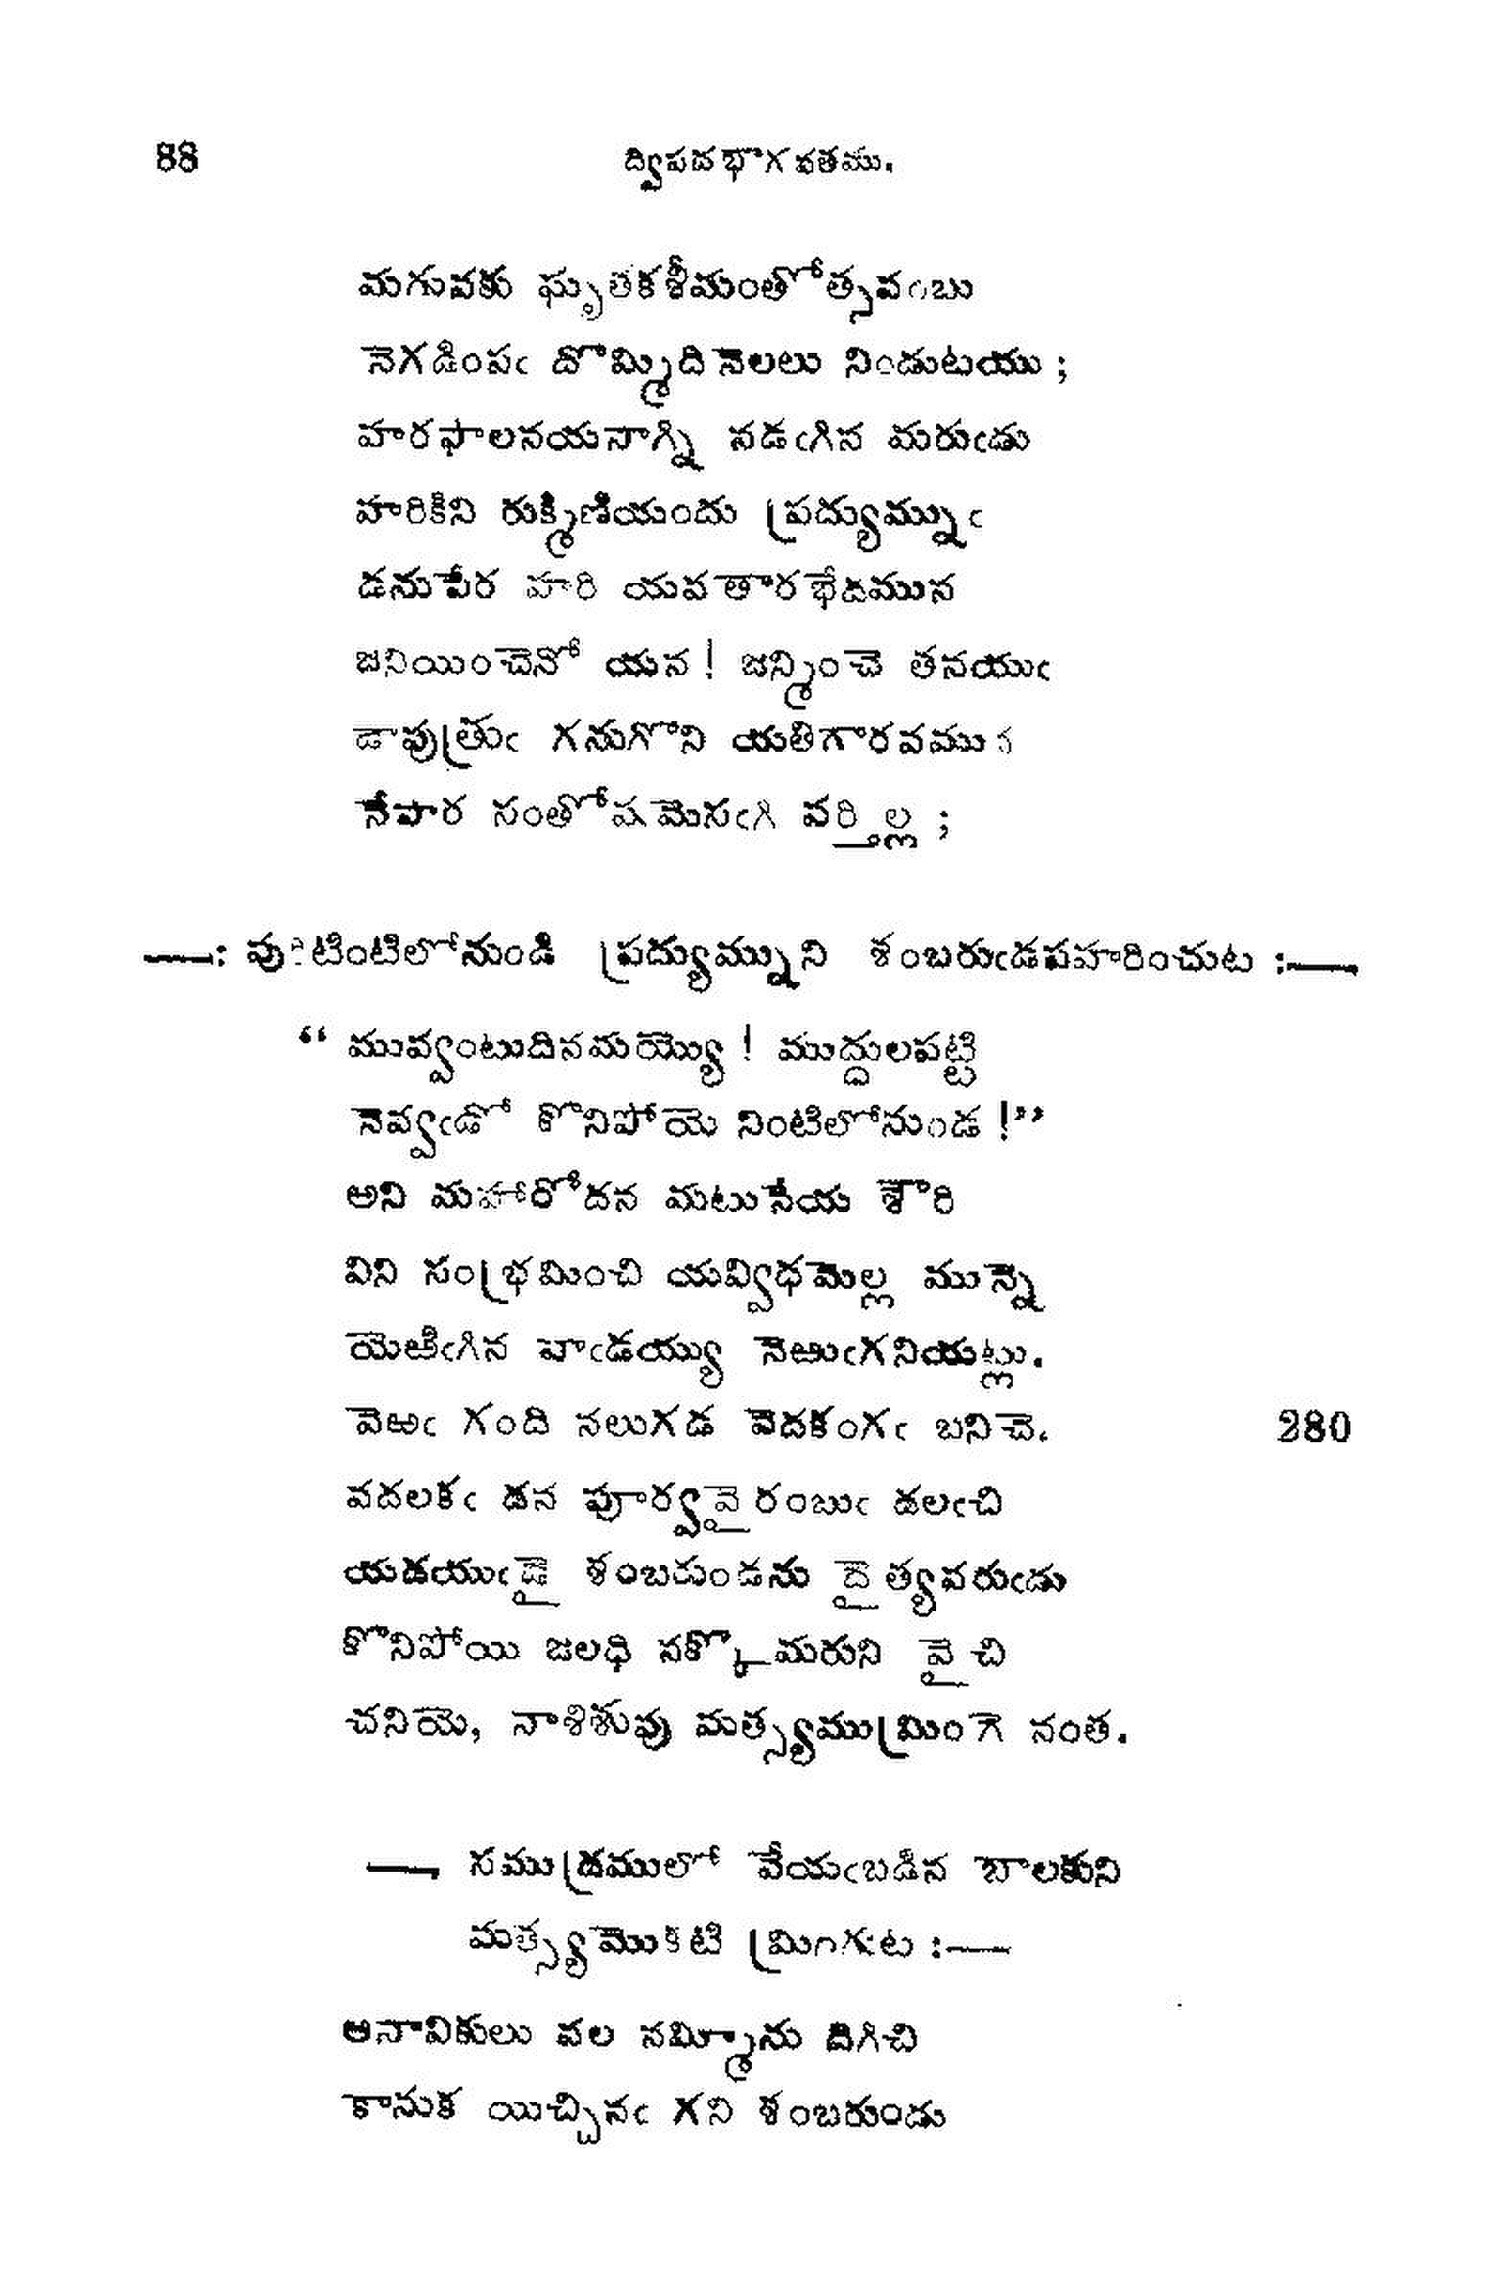మగువకు ఘృతకశీమంతోత్సవంబు
నెగడింపఁ దొమ్మిదినెలలు నిండుటయు;
హరఫాలనయనాగ్ని నడఁగిన మరుఁడు
హరికిని రుక్మిణియందు ప్రద్యుమ్నుఁ
డనుపేర హరి యవతారభేదమున
జనియించెనో యన! జన్మించె తనయుఁ
డాపుత్రుఁ గనుగొని యతిగారవముగ
నేపార సంతోష మెసంగి వర్తిల్ల;

“మువ్వంటుదినమయ్యొ! ముద్దులపట్టి
నెవ్వఁడో కొనిపోయె నింటిలోనుండ!”
అని మహారోదన మటు సేయ శౌరి
విని సంభ్రమించి యవ్విధమెల్ల మున్నె
యెఱిఁగినవాఁడయ్యు నెఱుఁగనియట్లు.
వెఱఁ గంది నలుగడ వెదకంగఁ బనిచె.
వదలకఁ దన పూర్వవైరంబుఁ దలఁచి
యదయుఁడై శంబకుండను దైత్యవరుఁడు
కొనిపోయి జలధి నక్కొమరుని వైచి
చనియె, నాశిశువు మత్స్యము మ్రింగె నంత.

ఆనావికులు వల నమ్మీను దిగిచి
కానుక యిచ్చినఁ గని శంబరుండు